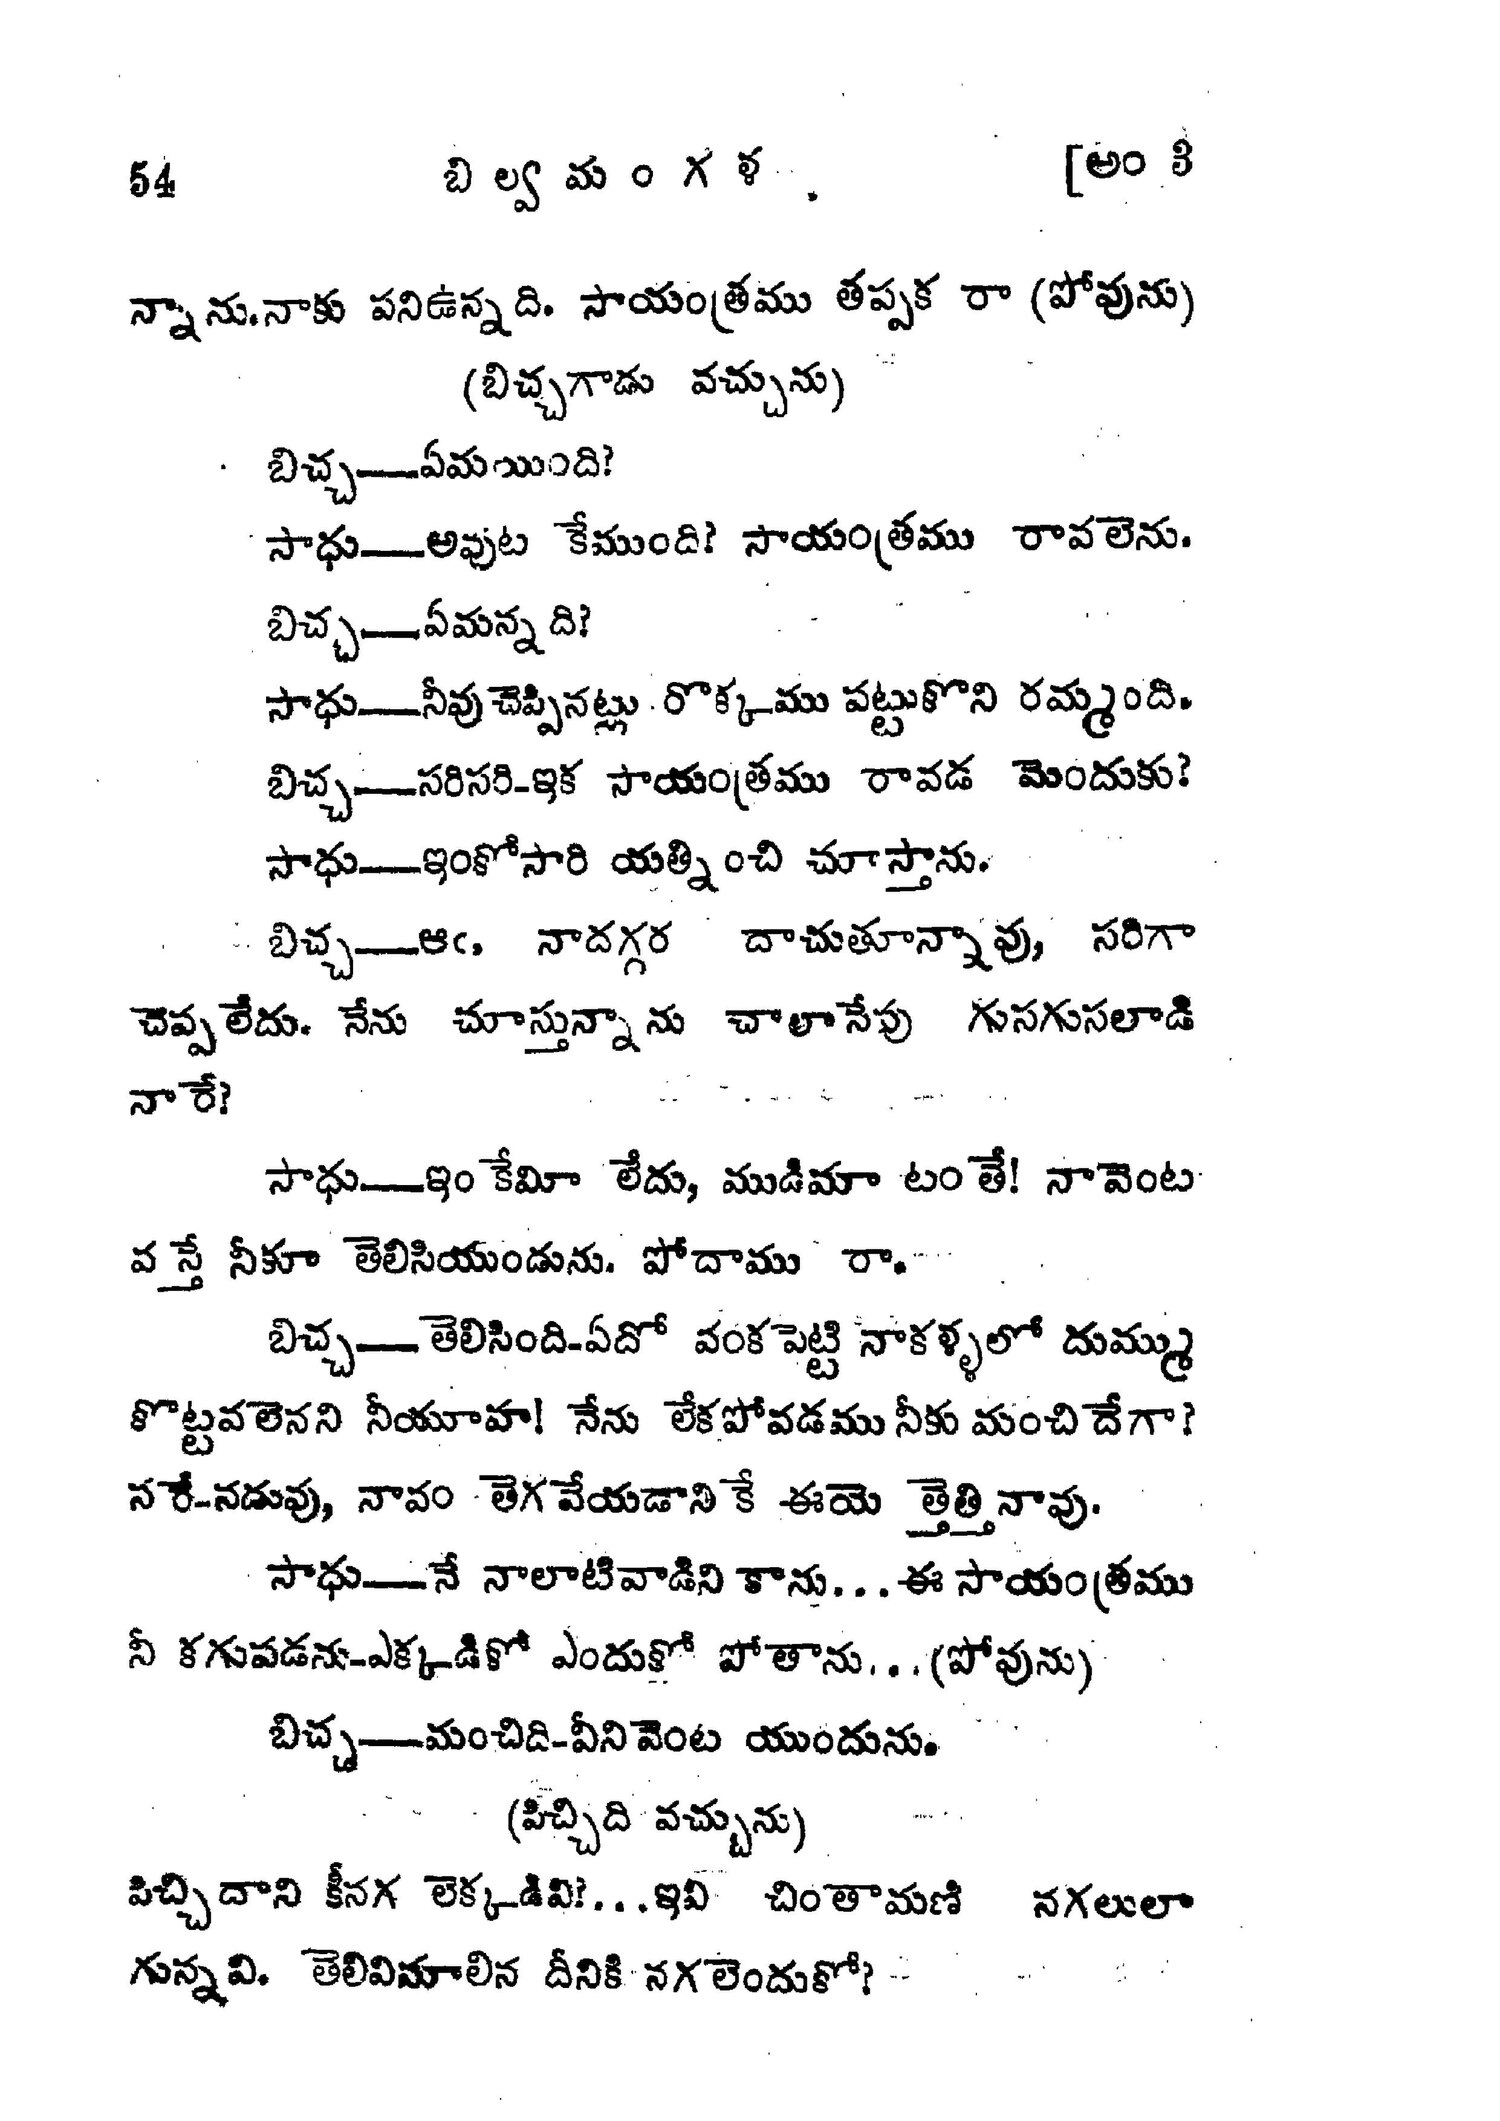న్నాను. నాకు పనిఉన్నది. సాయంత్రము తప్పక రా (పోవును)

బిచ్చ - ఏమయింది?

సాధు - అవుట కేముంది? సాయంత్రము రావలెను.

బిచ్చ - ఏమన్నది?

సాధు - నీవుచెప్పినట్లు రొక్కము పట్టుకొని రమ్మంది.

బిచ్చ - సరిసరి-ఇక సాయంత్రము రావడ మెందుకు?

సాధు - ఇంకోసారి యత్నించి చూస్తాను.

బిచ్చ - ఆఁ. నాదగ్గర దాచుతూన్నావు, సరిగా చెప్పలేదు. నేను చూస్తున్నాను చాలాసేపు గుసగుసలాడి నారే?

సాధు - ఇంకేమీ లేదు, ముడిమా టంతే! నావెంట వస్తే నీకూ తెలిసియుండును. పోదాము రా.

బిచ్చ - తెలిసింది-ఏదో వంకపెట్టి నాకళ్ళలో దుమ్ము కొట్టవలెనని నీయుహ! నేను లేకపోవడము నీకు మంచిదేగా? సరే-నడువు, నావం తెగవేయడానికే ఈయె త్తెత్తినావు.

సాధు - నే నాలాటివాడిని కాను.. ఈ సాయంత్రము నీ కగుపడను-ఎక్కడికో ఎందుకో పోతాను... (పోవును)

బిచ్చ - మంచిది-వీనివెంట యుందును.

పిచ్చిదాని కీనగ లెక్కడివి?..ఇవి చింతామణి నగలులా గున్నవి. తెలివిమాలిన దీనికి నగలెందుకో?